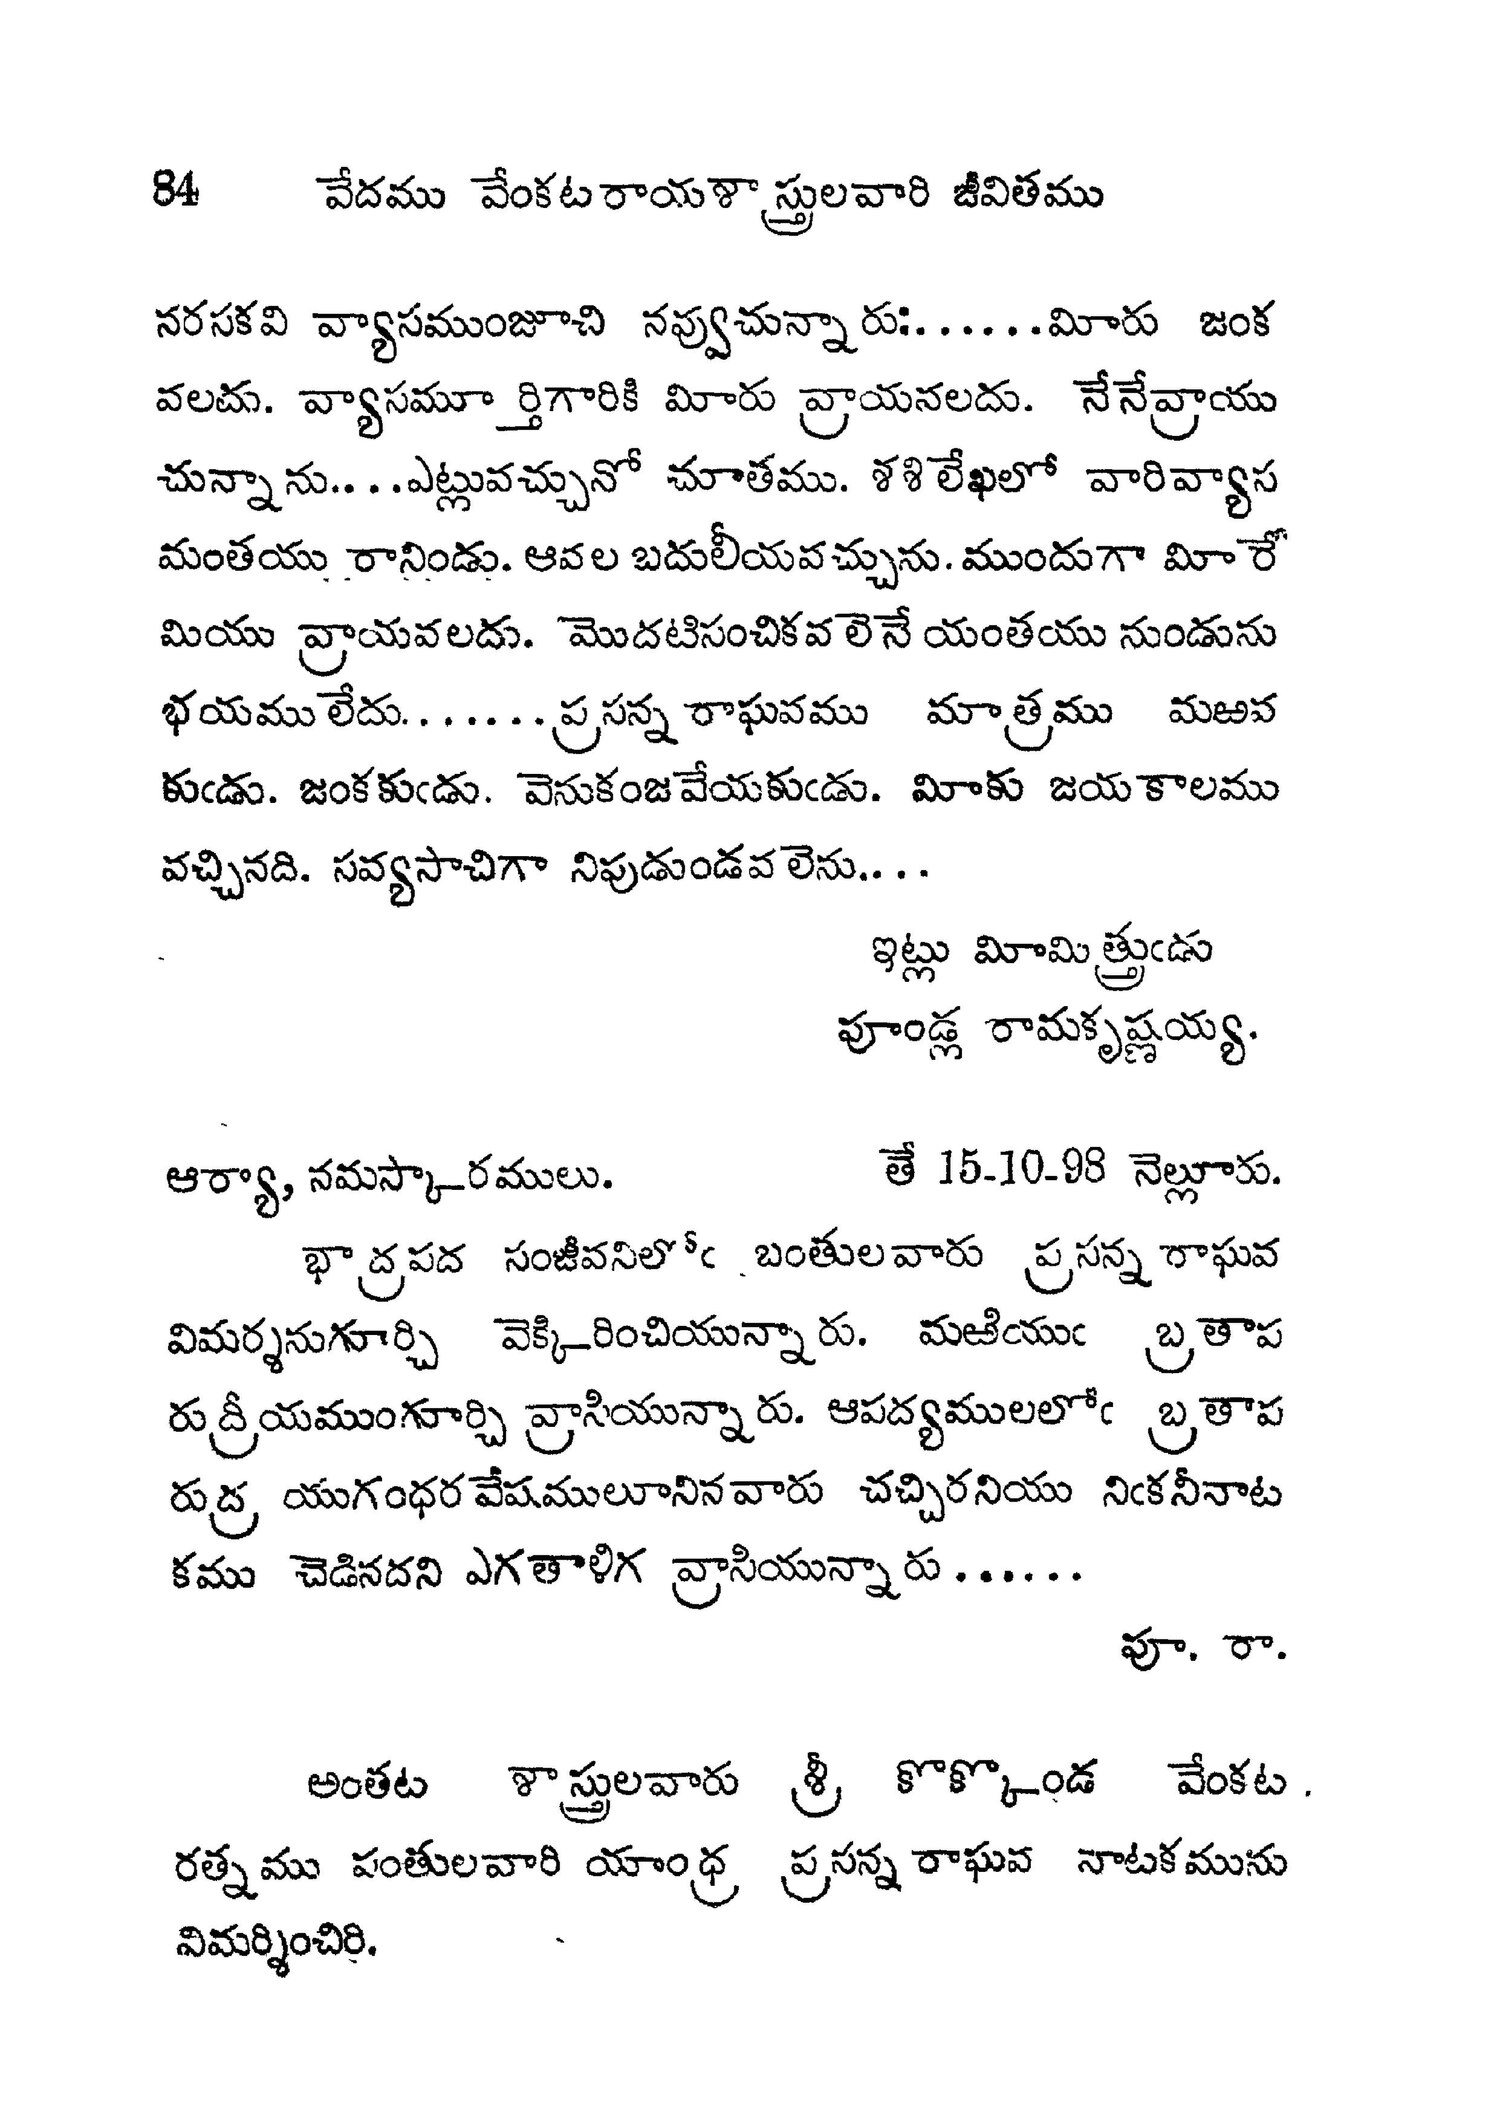నరసకవి వ్యాసముంజూచి నవ్వుచున్నారు......మీరు జంకవలదు వ్యాసమూర్తిగారికి మీరు వ్రాయవలదు. నేనేవ్రాయుచున్నాను....ఎట్లువచ్చునో చూతము. శశిలేఖలో వారివ్యాసమంతయు రానిండు. ఆవల బదులీయవచ్చును. ముందుగా మీరేమియు వ్రాయవలదు. మొదటిసంచికవలెనే యంతయు నుండును భయములేదు... ప్రసన్న రాఘవము మాత్రము మఱవకుడు. జంకకుడు. వెనుకంజవేయకుడు. మీకు జయకాలము వచ్చినది. సవ్యసాచిగా నిపుడుండవలెను.
ఇట్లు మీమిత్రుడు
పూండ్ల రామకృష్ణయ్య.

తే 15-10-98 నెల్లూరు.
ఆర్యా, నమస్కారములు.

భాద్రపద సంజీవనిలో బంతులవారు ప్రసన్న రాఘవ విమర్శనుగూర్చి వెక్కిరించియున్నారు. మఱియు బ్రతాపరుద్రీయముంగూర్చి వ్రాసియున్నారు. ఆపద్యములలో బ్రతాపరుద్ర యుగంధరవేషములూనినవారు చచ్చిరనియు నికనీనాటకము చెడినదని ఎగతాళిగ వ్రాసియున్నారు......
 పూ. రా.

అంతట శాస్త్రులవారు శ్రీ కొక్కొండ వేంకటరత్నము పంతులవారి యాంధ్ర ప్రసన్న రాఘవ నాటకమును విమర్శించిరి.